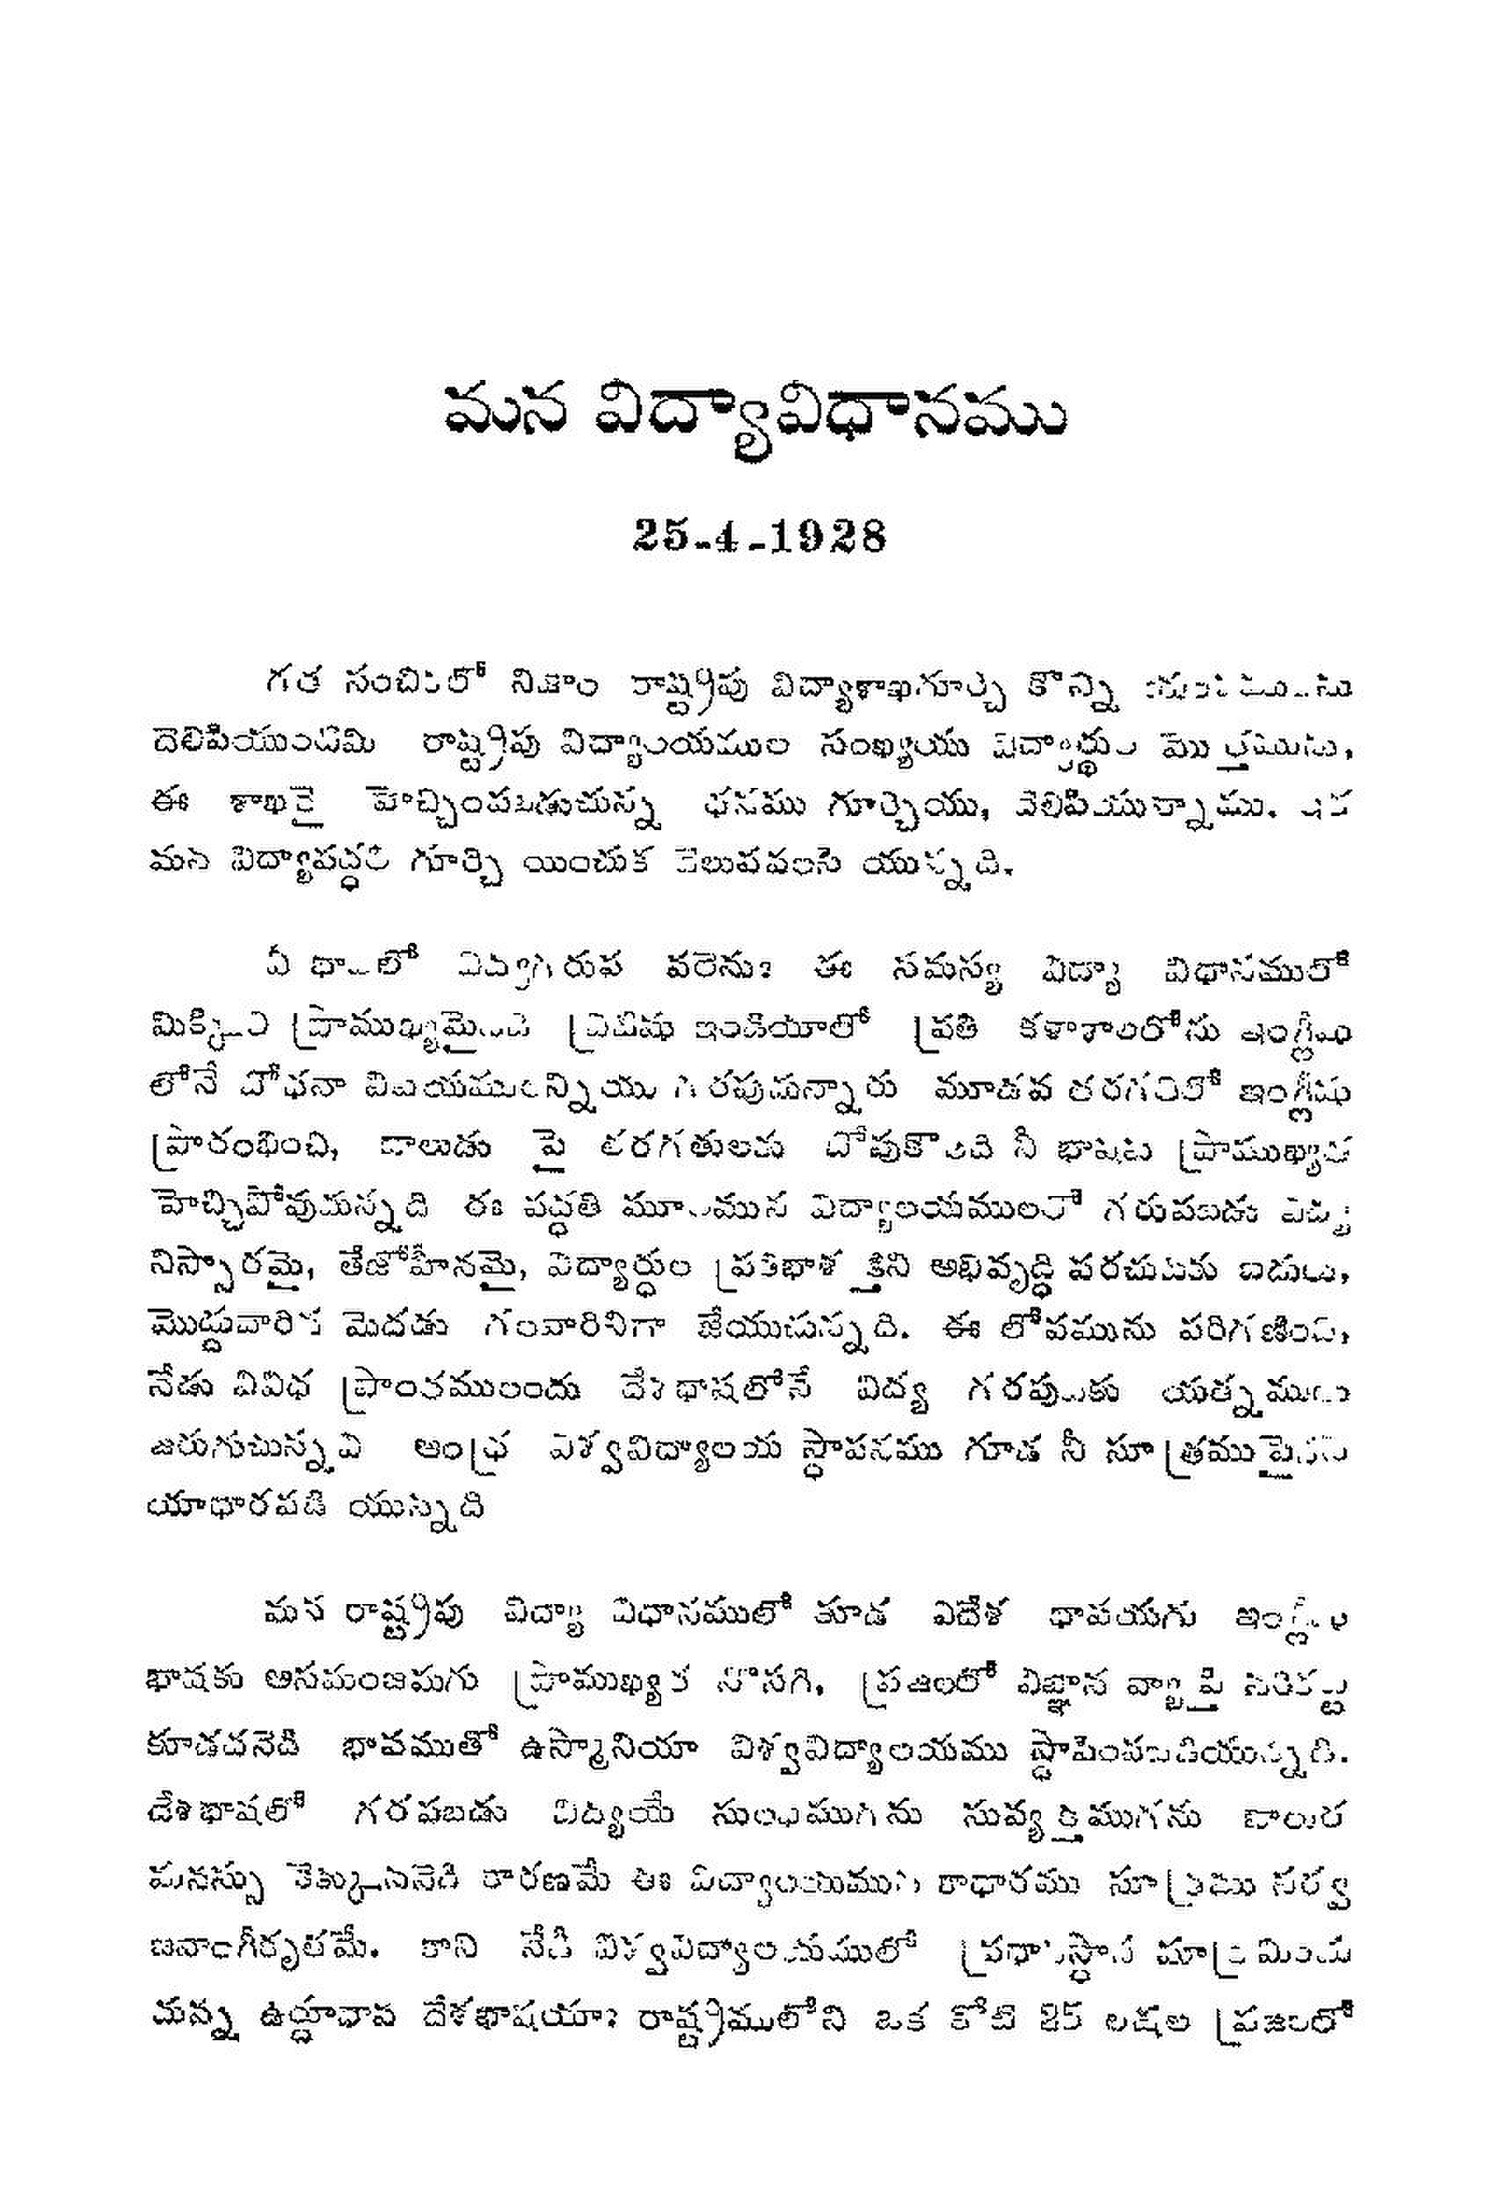మన విద్యావిధానము

25 - 4 - 1928

గత సంచికలో నిజాం రాష్ట్రపు విద్యాశాఖగూర్చి కొన్ని యంశములను దెలిపియుంటిమి రాష్ట్రపు విద్యాలయముల సంఖ్యయు విద్యార్థుల మొత్తమును, ఈ శాఖకై హెచ్చింపబడుచున్న ధనము గూర్చియు, దెలిపియున్నాము. ఇక
మన విద్యాపద్ధతి గూర్చి యించుక దెలుపవలసి యున్నది.

ఏ భాషలో విద్యగరుప వలెను? ఈ సమస్య విద్యా విధానములో మిక్కిలి ప్రాముఖ్యమైనది బ్రిటిషు ఇండియాలో ప్రతి కళాశాలలోను ఇంగ్లీషులోనే బోధనా విషయములన్నియు గరపుచున్నారు మూడవ తరగతిలో ఇంగ్లీషు ప్రారంభించి, బాలుడు పై తరగతులకు బోవుకొలది నీ భాషకు ప్రాముఖ్యత హెచ్చిపోవుచున్నది ఈ పద్ధతి మూలమున విద్యాలయములలో గరుపబడు విద్య నిస్సారమై, తేజోహీనమై, విద్యార్థుల ప్రతిభాశక్తిని అభివృద్ధి పరచుటకు బదులు, మొద్దువారిన మెదడు గలవారినిగా జేయుచున్నది. ఈ లోపమును పరిగణించి, నేడు వివిధ ప్రాంతములందు దేశభాషలోనే విద్య గరపుటకు యత్నములు జరుగుచున్నవి. ఆంధ్ర విశ్వవిద్యాలయ స్థాపనము గూడ నీ సూత్రముపైననే యాధారపడి యున్నది.

మన రాష్ట్రపు విద్యా విధానములో కూడ ఏదేశ భాషయగు ఇంగ్లీషు భాషకు అసమంజమగు ప్రాముఖ్యత నొసగి, ప్రజలలో విజ్ఞాన వ్యా ప్తి సరికట్ట కూడదనెడి భావముతో ఉస్మానియా విశ్వవిద్యాలయము స్థాపింపబడియున్నది.
దేశభాషలో గరపబడు విద్యయే సులభముగను సువ్యక్తముగను బాలుర మనస్సు కెక్కుననెడి కారణమే ఈ విద్యాలయముకు కాధారము సూత్రము సర్వజనాంగీకృతమే. కాని నేటి విశ్వవిద్యాలయములో ప్రధానస్థాన మాక్రమించుచున్న ఉర్దూభాష దేశభాషయా? రాష్ట్రములోని ఒక కోటి 25 లక్షల ప్రజలలో